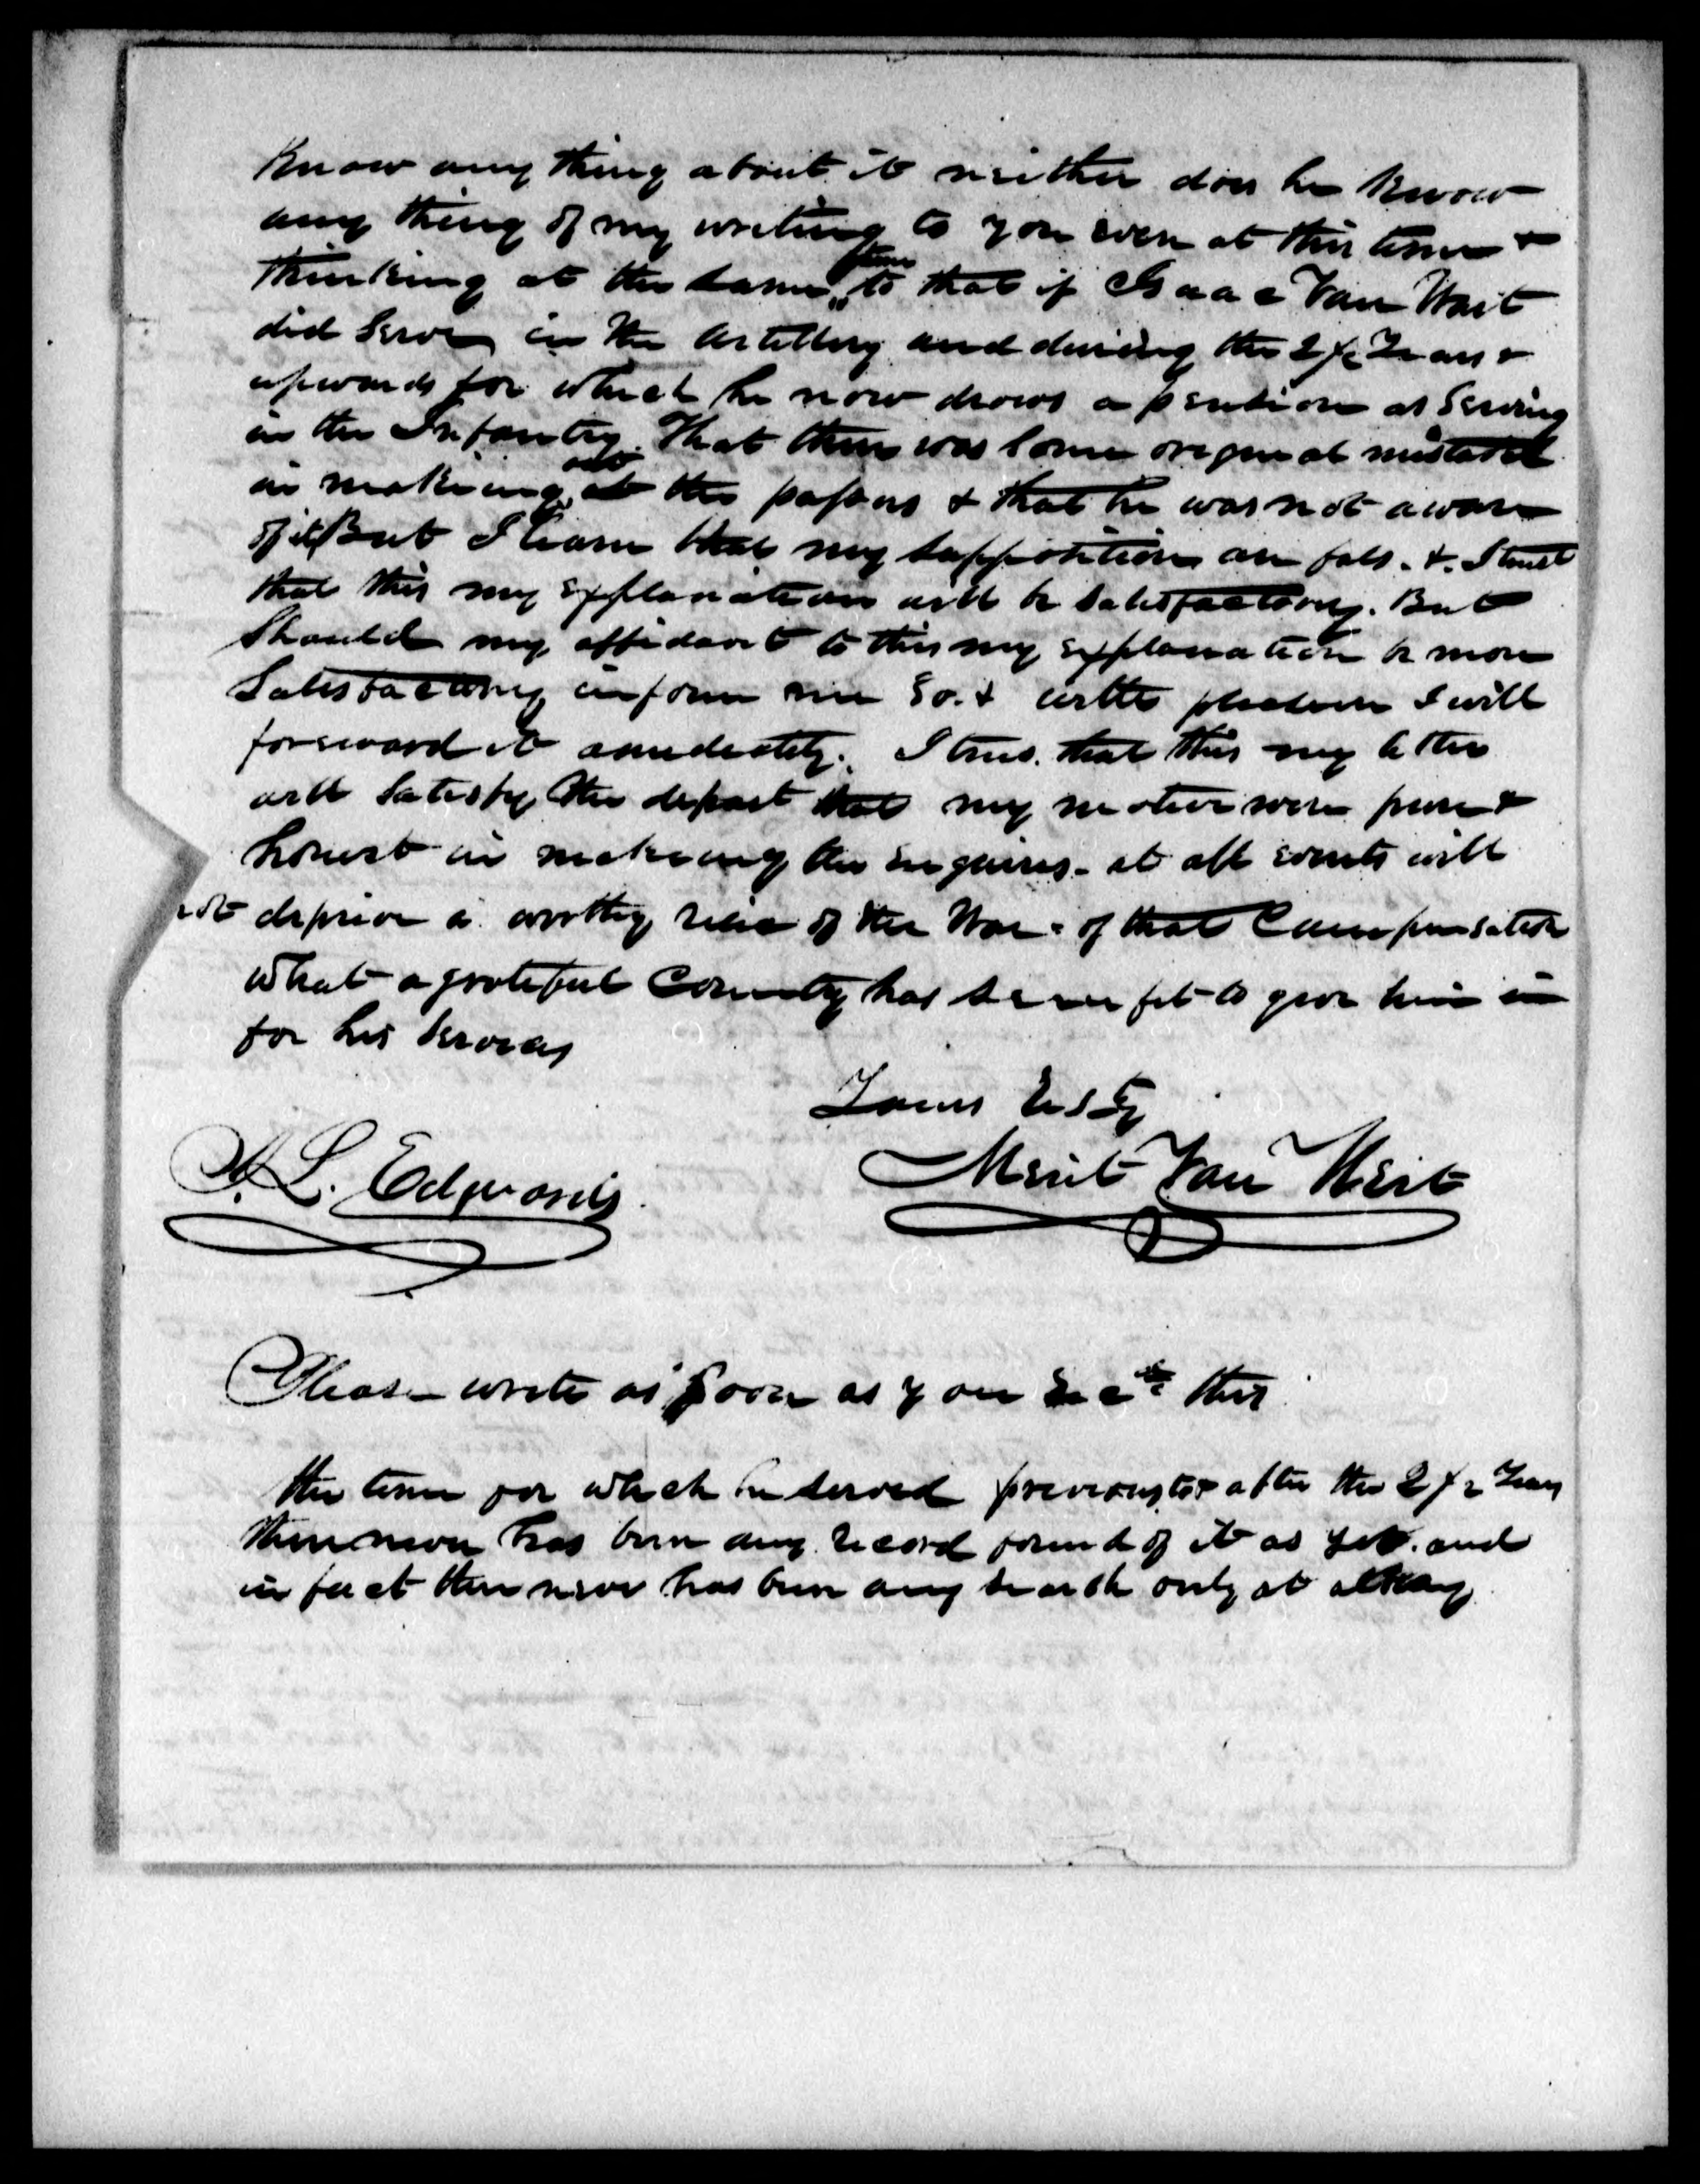know any thing about it neither does he know any thing of my writing to you even at this time & thinking at the same time to that if Isaac Van Wart did serve in the artillery and during the 2 ½ years or upwards for which he now draws a pension as serving in the Infantry. That there was some original mistake in out making the papers & that he was not aware of it But I have that my supposition am fals & I trust that this my explanation will be satisfactory. But should my affidavit to this my explanation be more Satisfactory inform me so & with pleasure I will forward it immediately.  I trust that this my letter will satisfy the depart that my motions were pure & honest in making the enquiries at all events will not deprive a worthy soldier of the War of that compensation what a grateful country has seen fit to give him for his services 
Yours truly
[signed] Merrit Van Wert

J. L. Edwards

Please write as soon as you rec. this 
the time for which he served previous or & after the 2 1/2 years there never has been any record found of it as yet and in fact there never has been any search only at Albany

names: Merit Van Wert, Isaac Van Wart, J L Edwards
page: 69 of 102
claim: widow's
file: W. 18239, Isaac Van Wart, New York